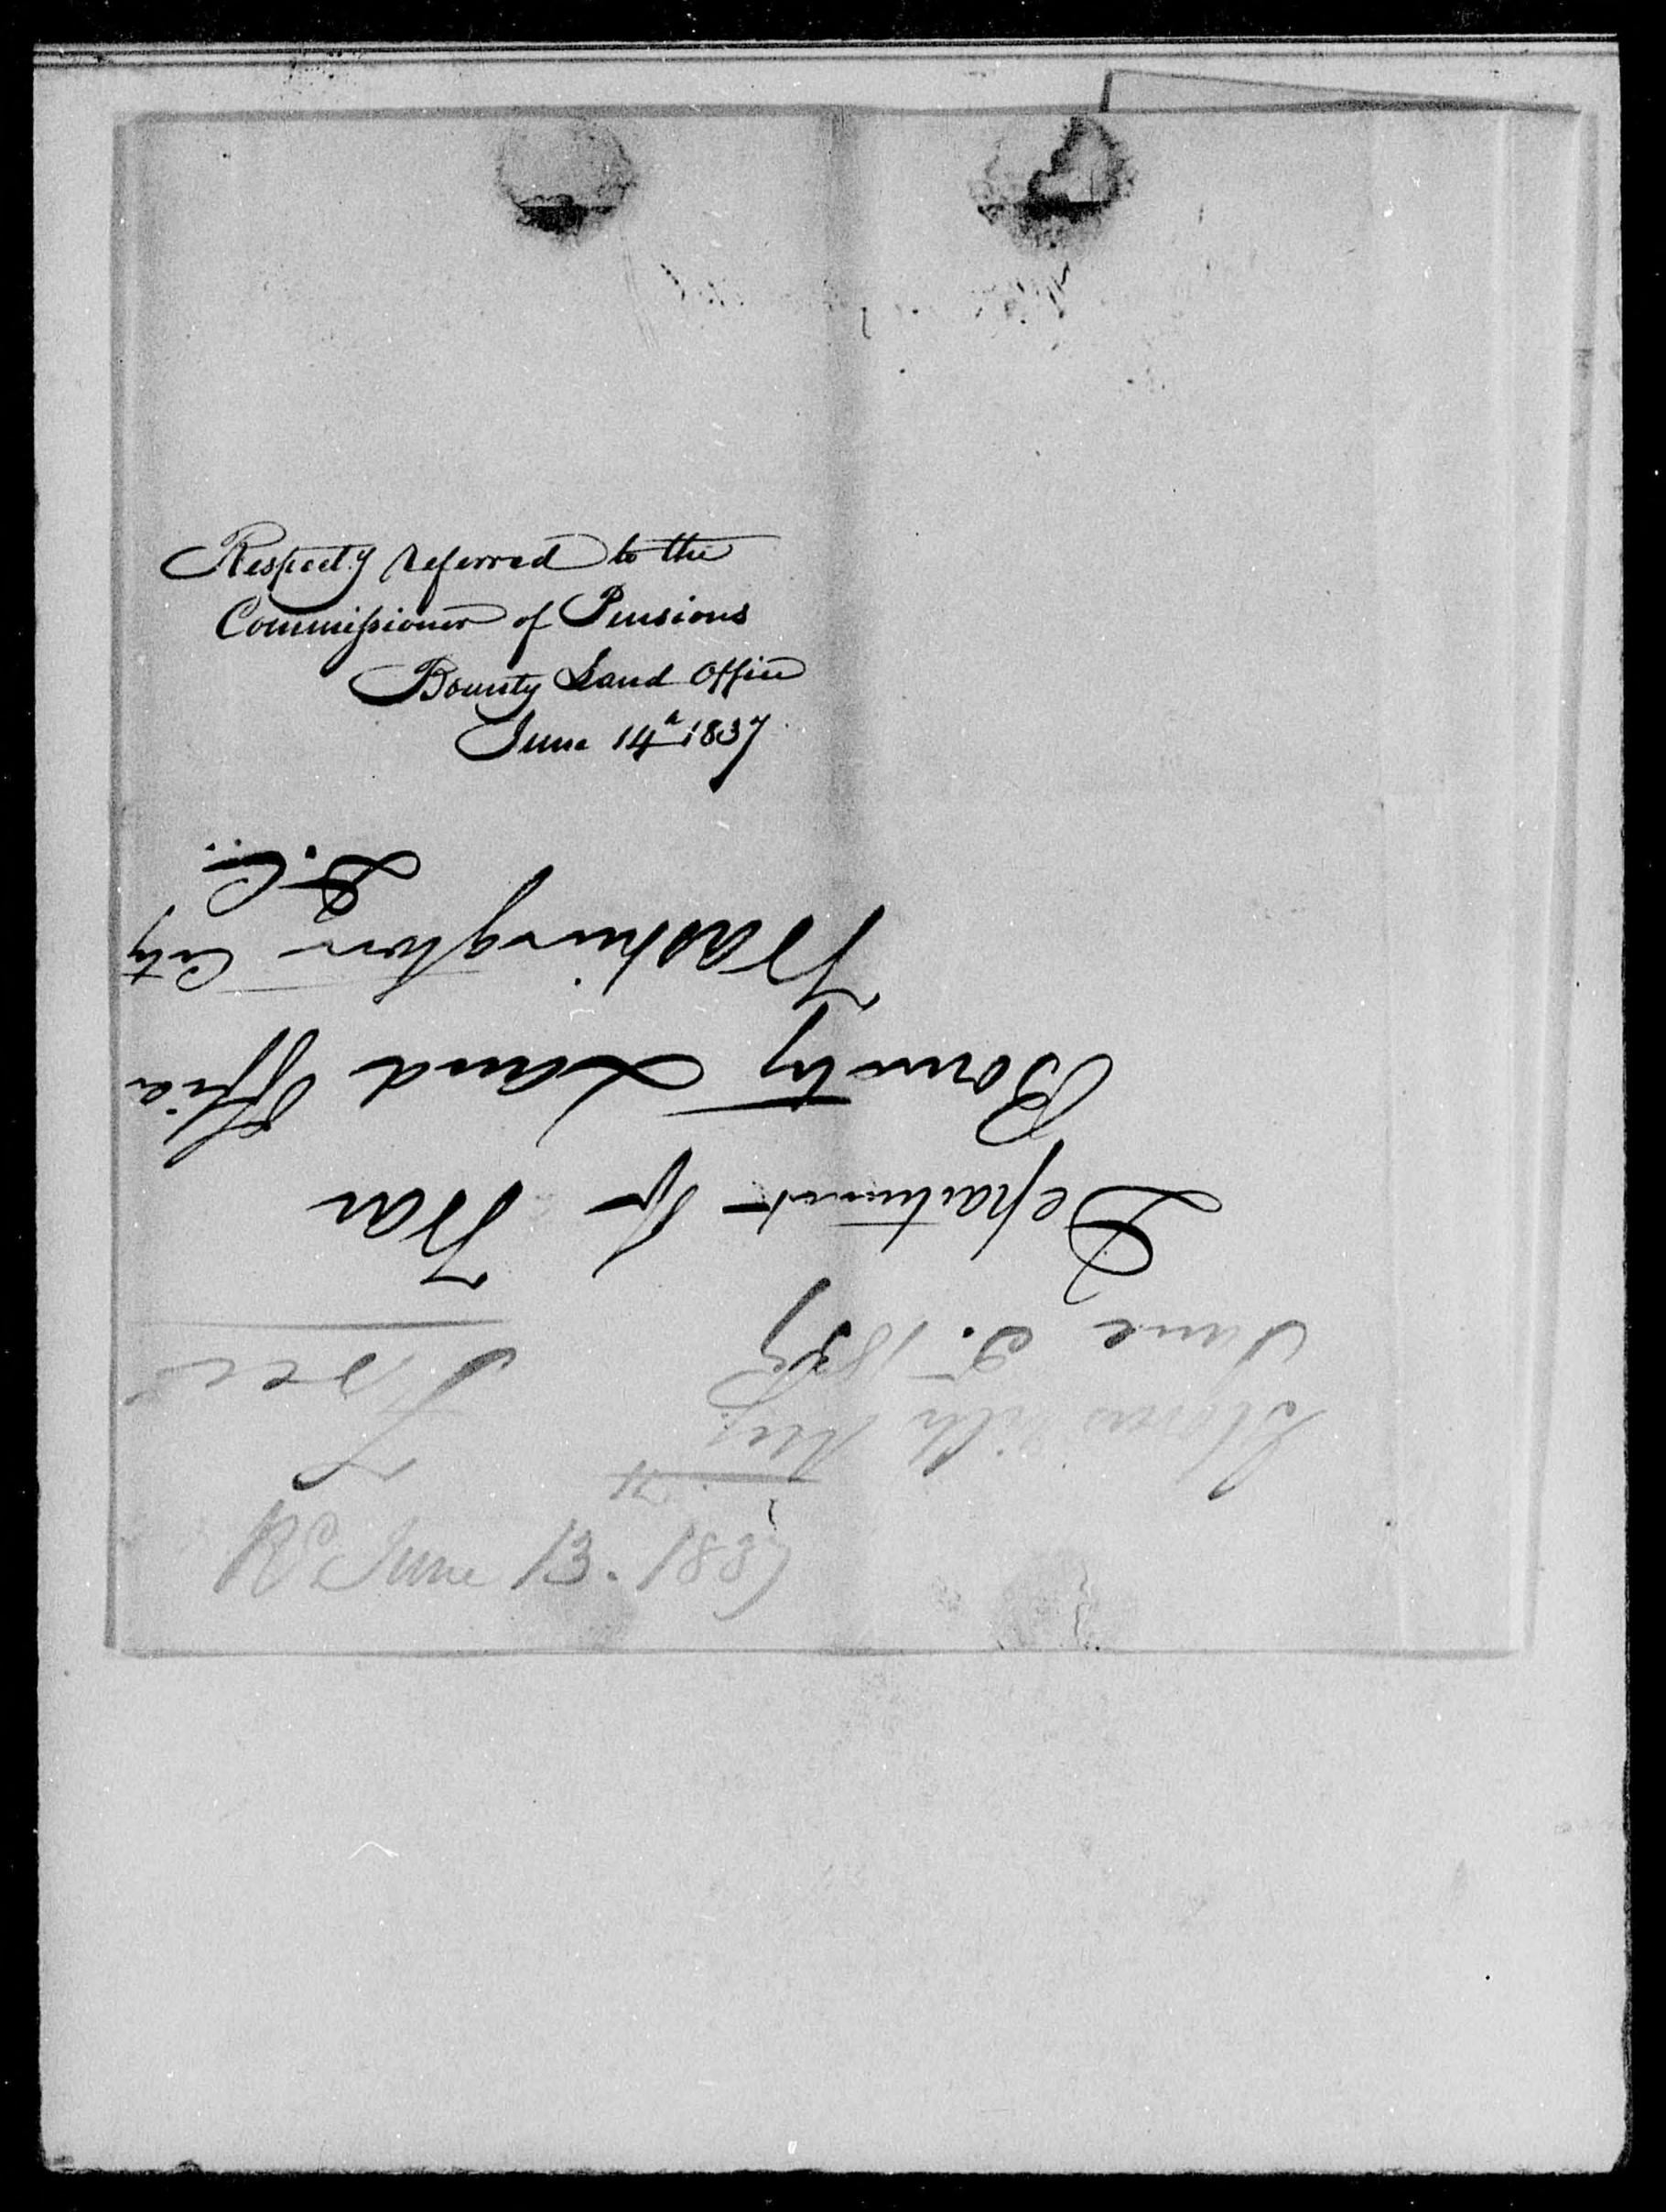[handwritten]
Respect[full]y referred to the
Commissioner of Pensions
Bounty Land Office
of
June 14th 1837

-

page: 54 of 55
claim: widow's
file: W. 19503, Samuel Giles, Conti. Mass. New York